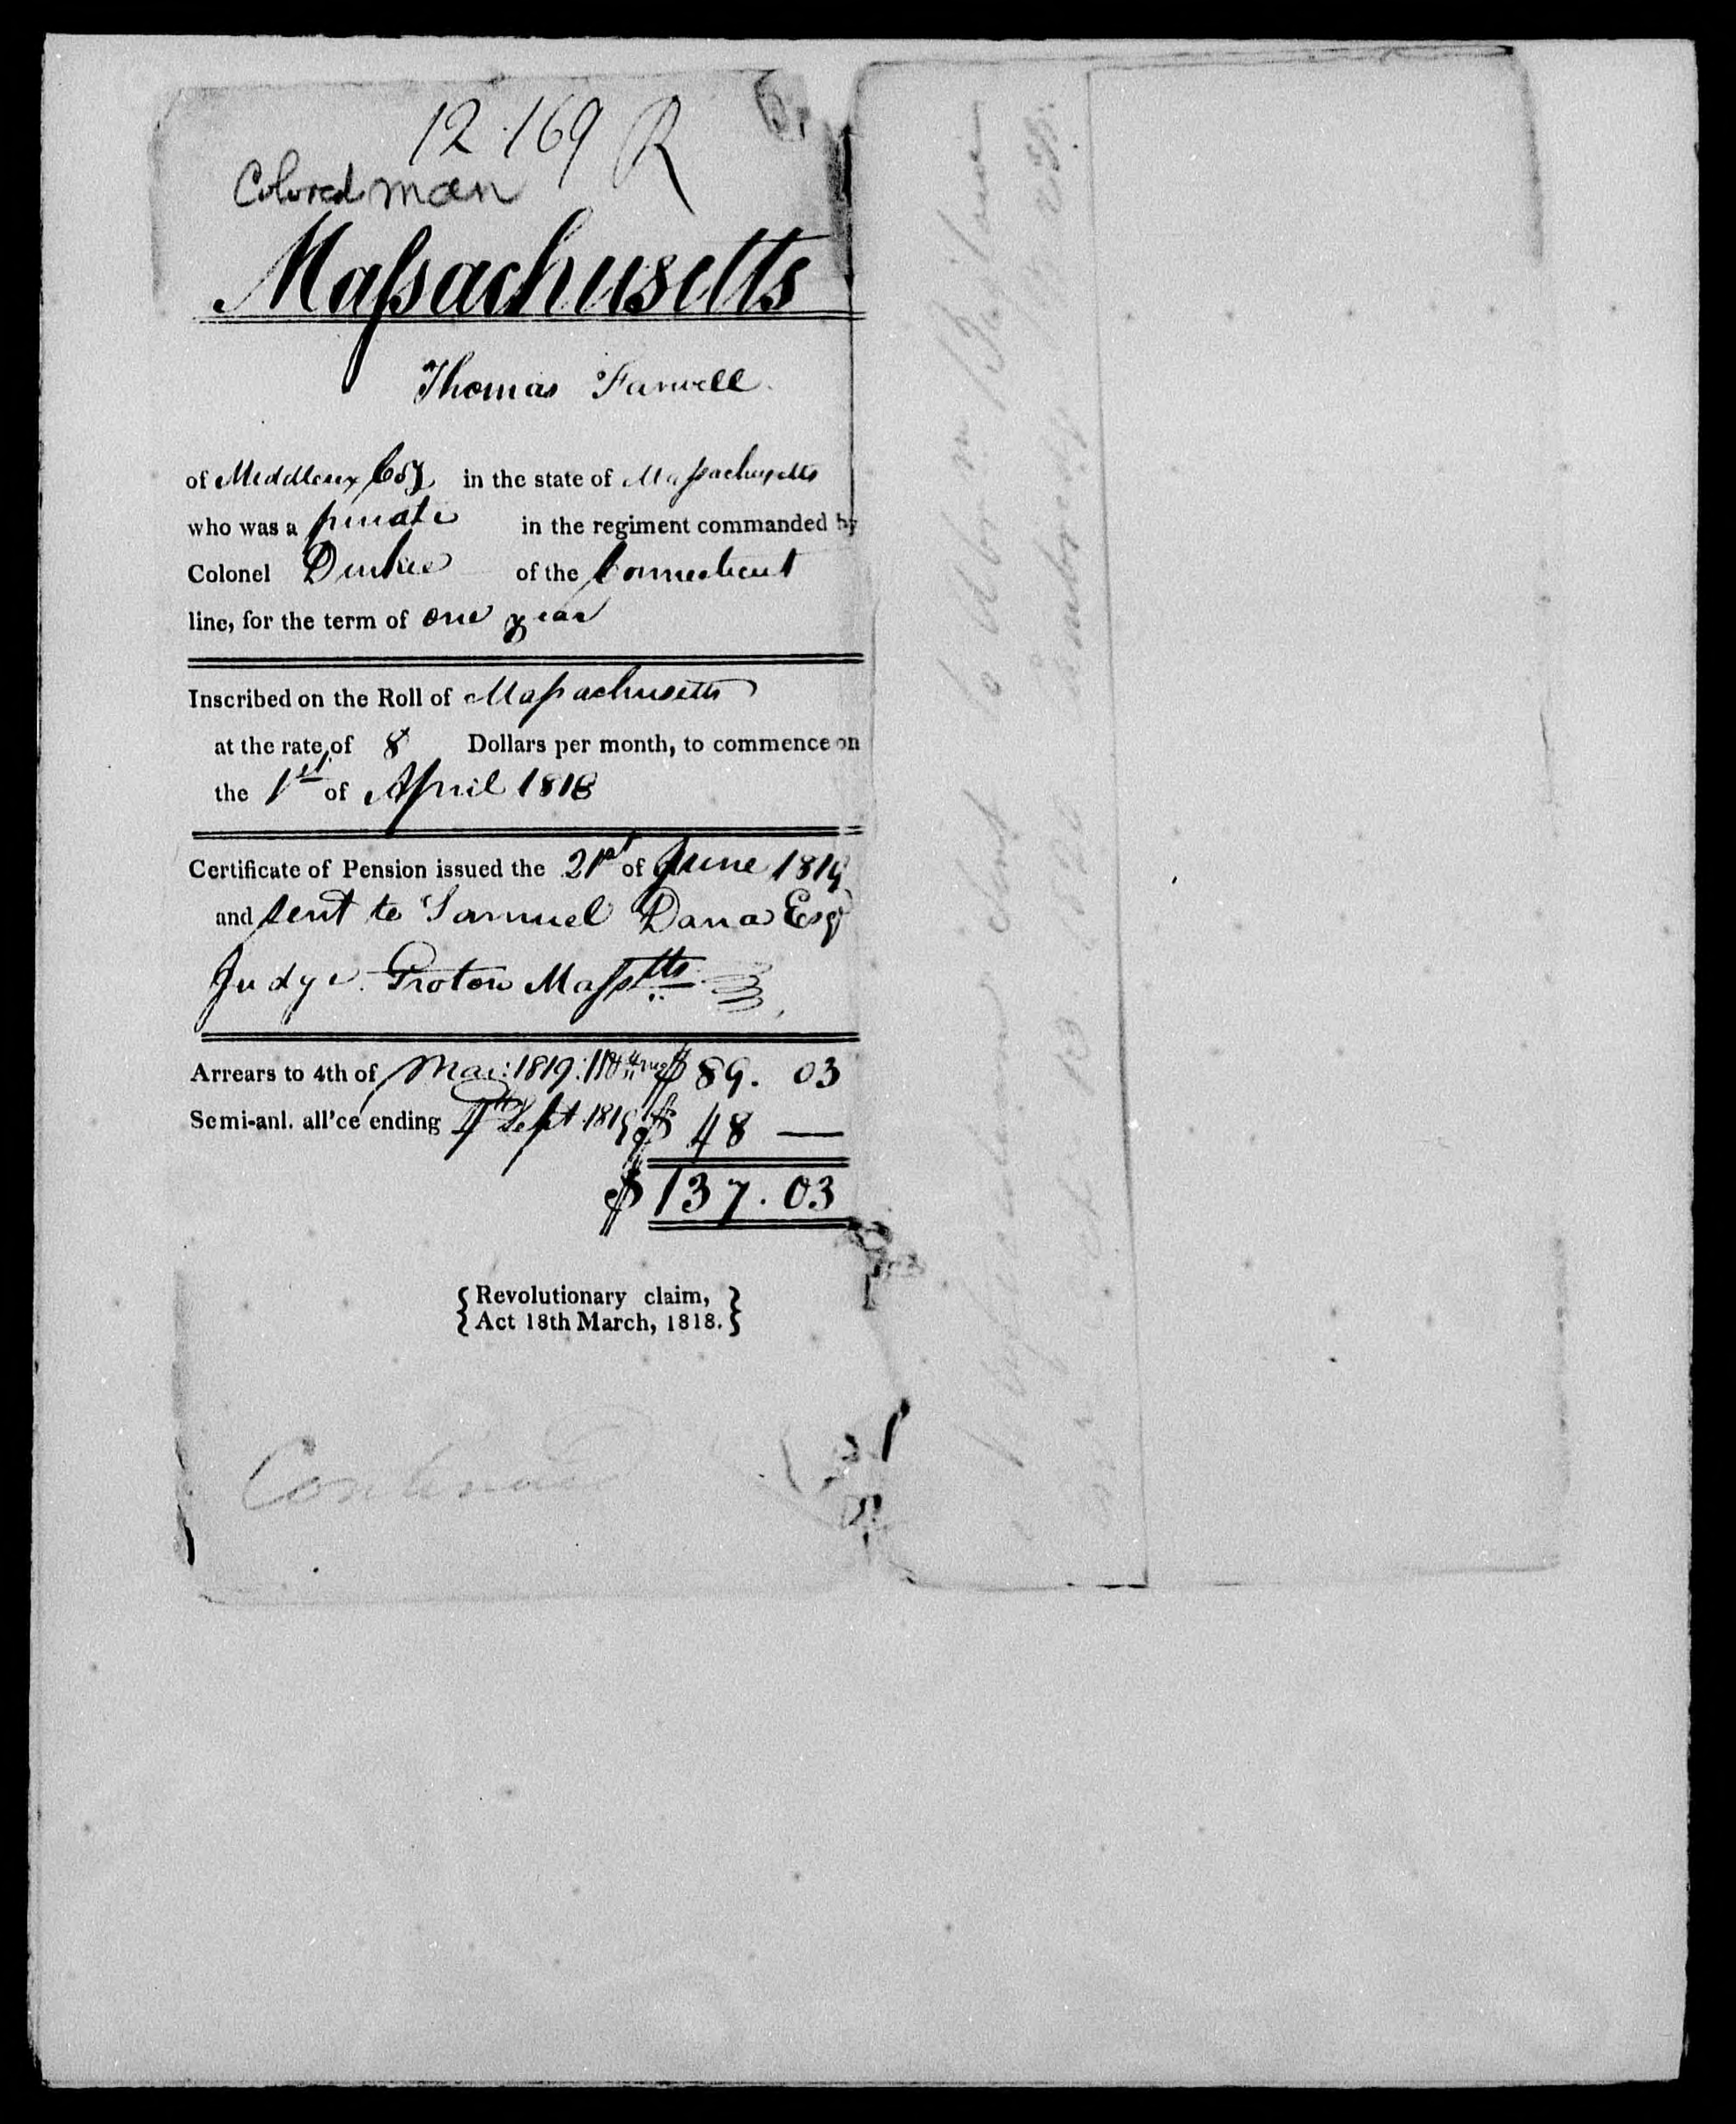Thomas Farwell

of Middlesex County in the state of Massachusetts who was a private in the regiment commanded by Colonel Durker of the Connecticut line, for the term of one year.

Inscribed on the Roll of Massachusetts at the rate of 8 dollars per month, to commence on the 1st of April 1818.

Certificate of Pension issued the 21st of June 1819 and sent to Samuel Dana esquire 

Judy a. Protors Mafette. (?)

Arrears to the 4th of May 1819 of $89.03
semi-annual allowance ending 4th of September 1819
$48.00
$137.03-total


(writing on the side is to faint)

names: Abrm Biglow, Durker, Samuel Dana, Thomas Farwell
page: 2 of 18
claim: survivor's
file: S. 34,831, Thomas Farwell, Conn.